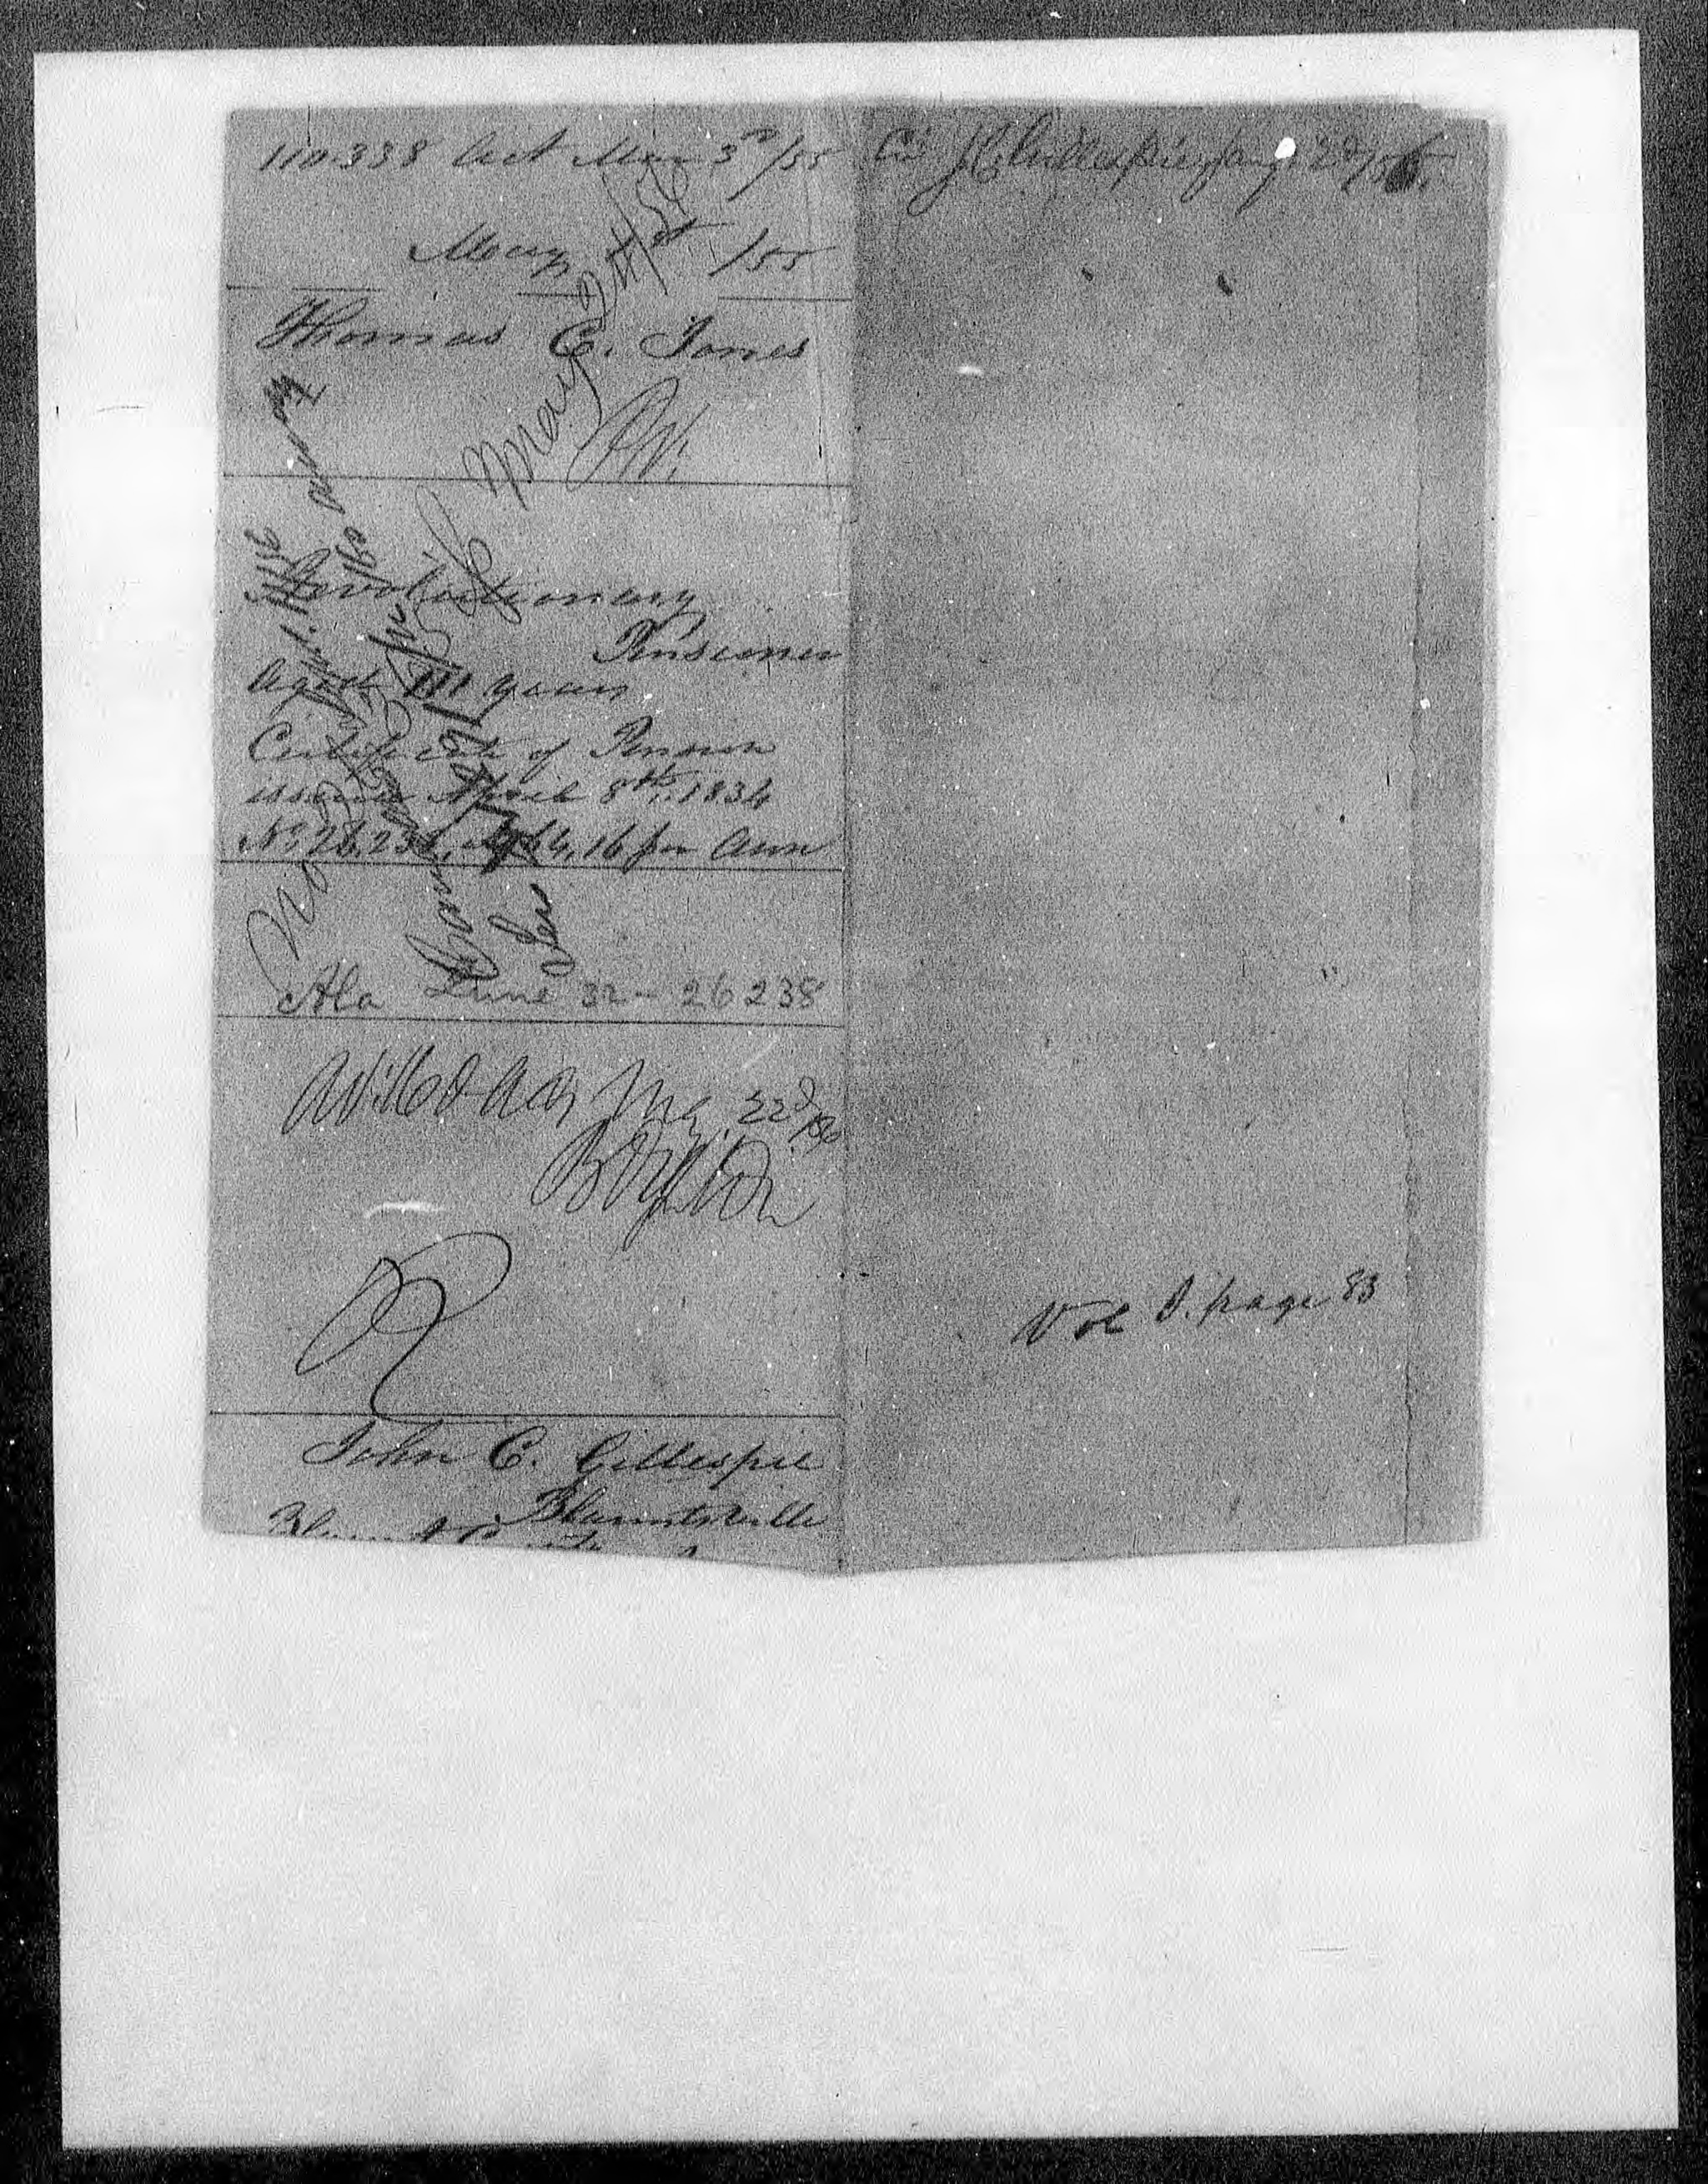110308 [ineligible]
May 3rd/55 at [ineligible]
J.C. Gillespie [ineligible] 22/56
May 1st/55
Thomas C James
PN:
Revolutionary
Pensioner
aged [?] years
Certificate of Pension
issued April 8th, 1834
Known
April 8th 1834
[ineligible] 4,16 per Ann
Ala Anne 32 - 26238
[ineligible] May 22nd/56
[ineligible]
John, C. Gillespie
Bl[?]ville
No 26365 ys May 24/56 
per 21291 ? 
Vol. 1, page 88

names: Thomas C Jones; John C Gillespie; [BLANK] Boynton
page: 4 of 45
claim: widow's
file: W. 26160, for Thomas C Jones, Georgia